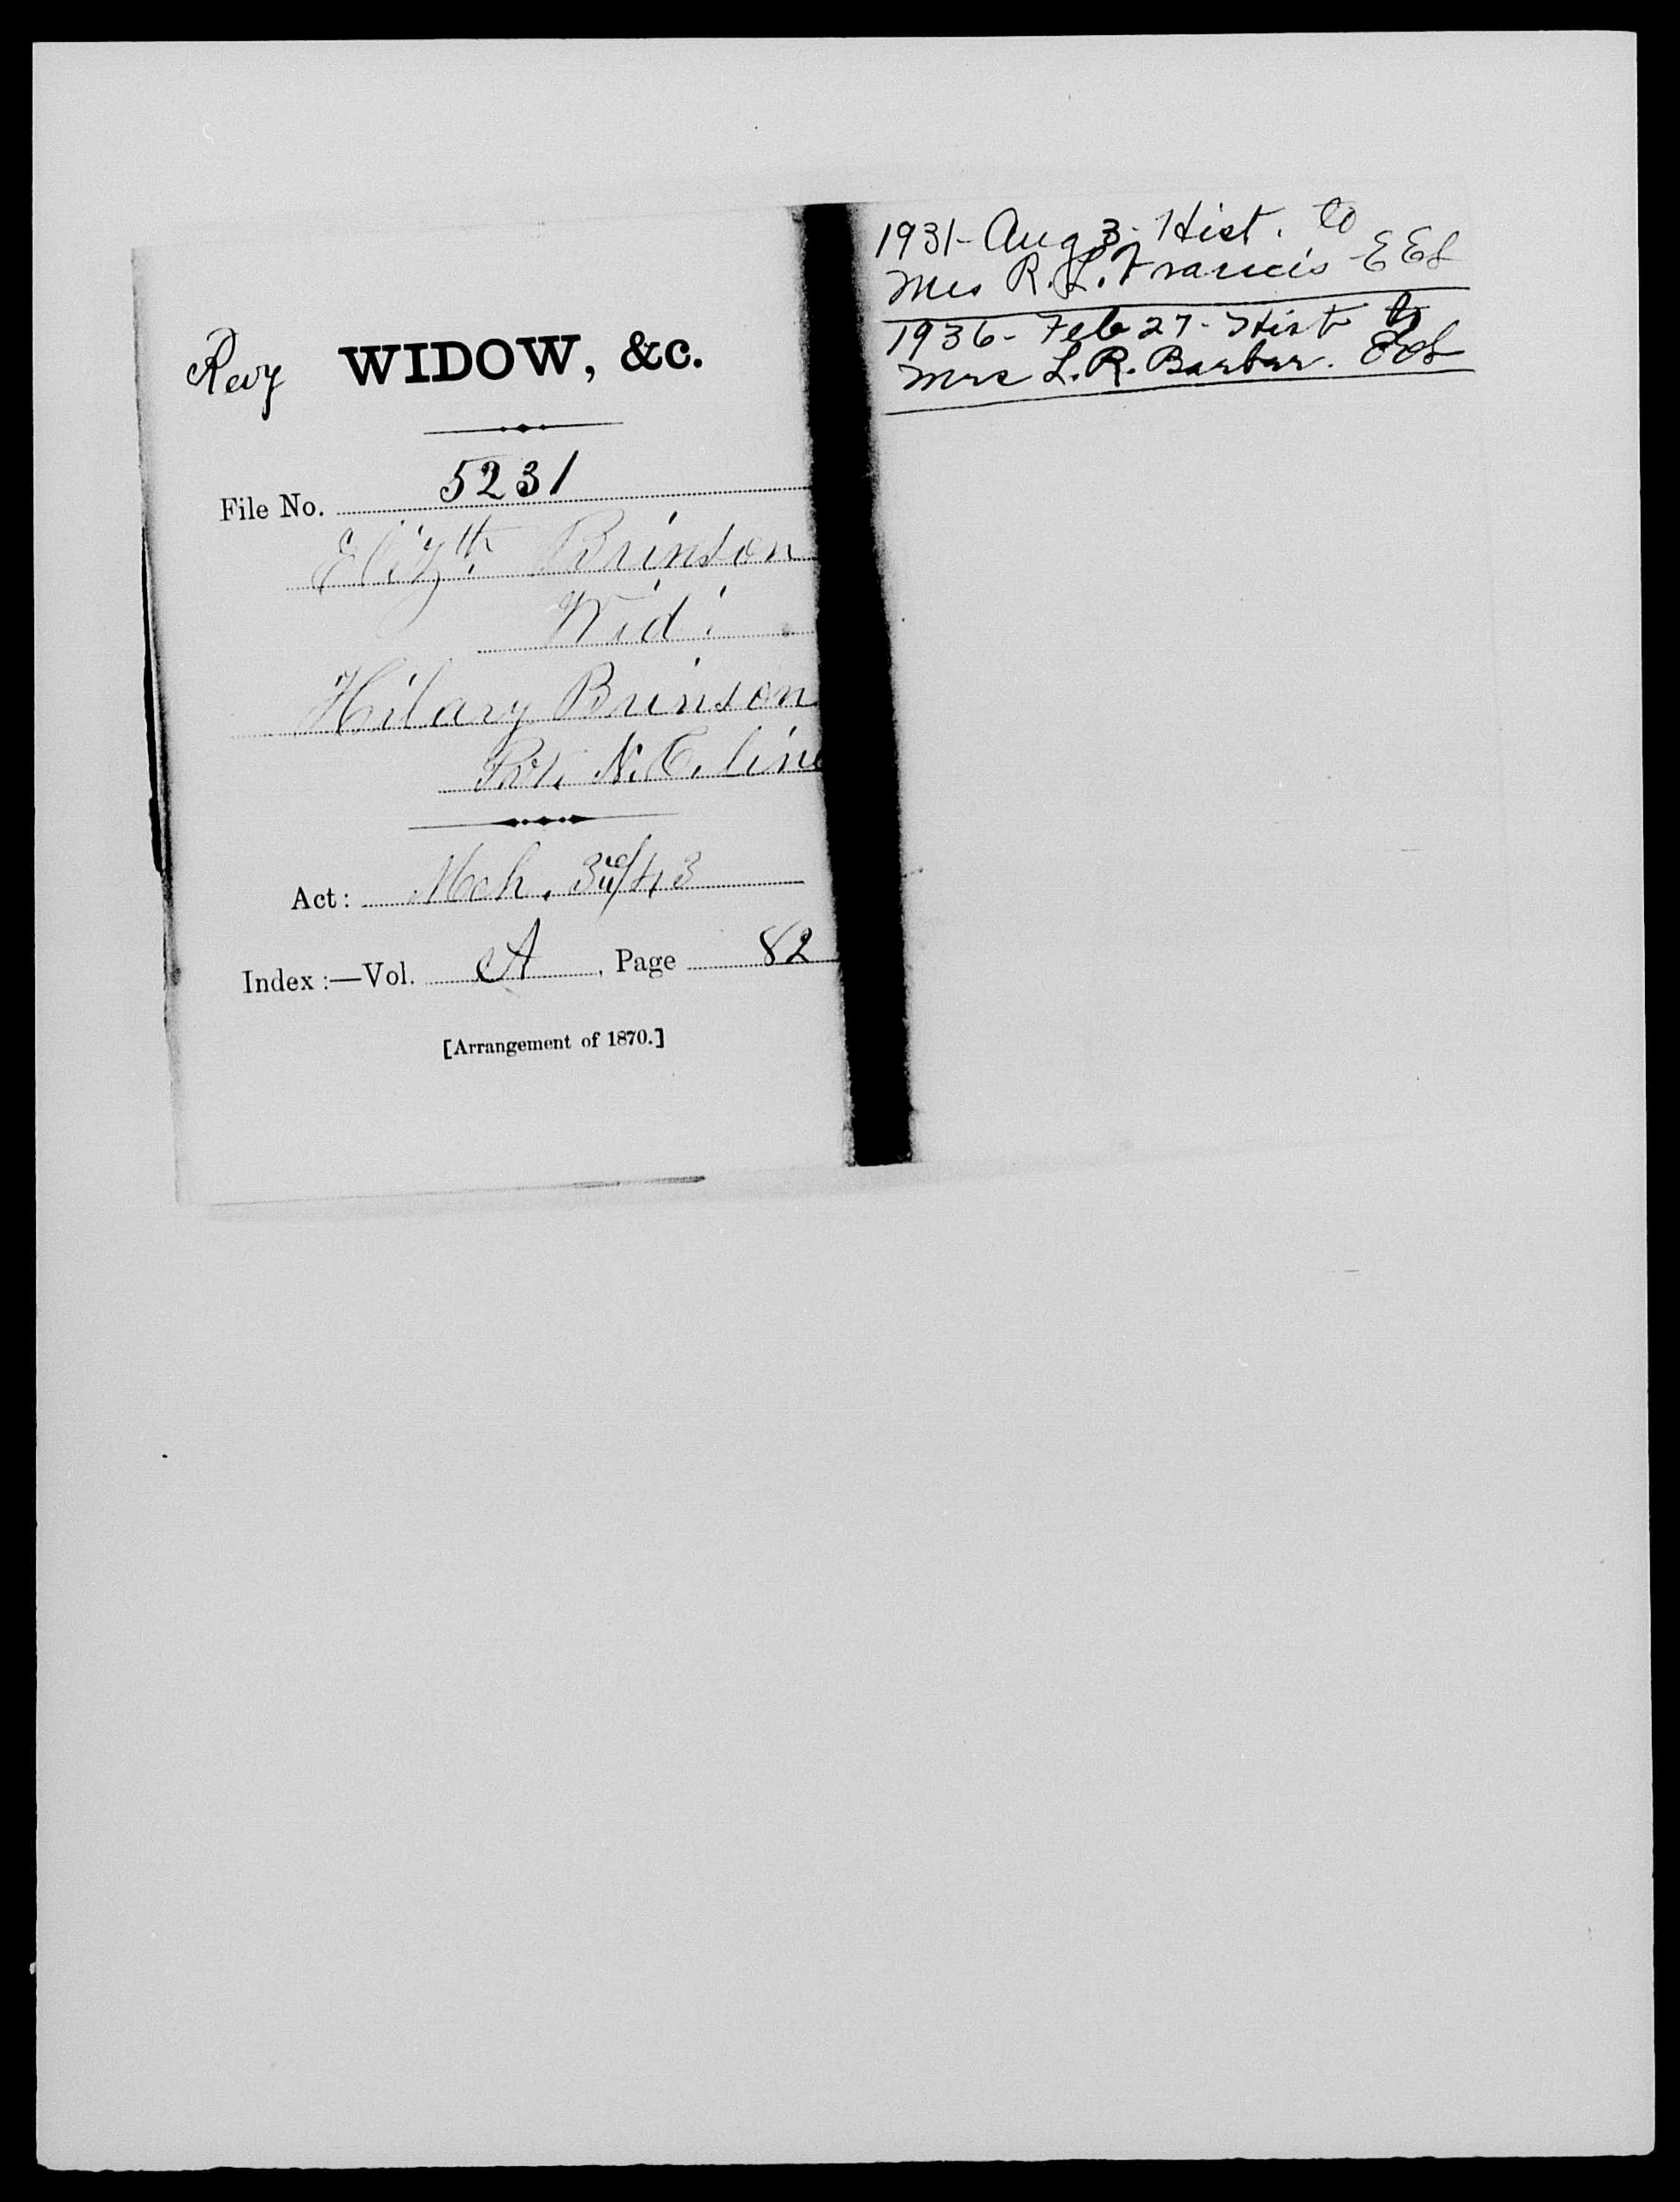[left side of page]

Revy WIDOW, &c.

File No. 5231
Elizth Brinson
Wid:
Hilary Brinson
Pvt N.C.line

Act March 3d / 43
Index:-Vol.A, Page 82

[Arrangement of 1870]

[right side of page]
1931-Aug 3- Hist to 
Mrs. R.L. Francis- EEL

1936- Feb 27- Hist to 
Mrs L.R. Barer EEL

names: L R Barber, Hilary Brinson, R L Francis, Elizth Brinson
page: 16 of 38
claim: widow's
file: W. 5231, Hilary Brinson, N.C.